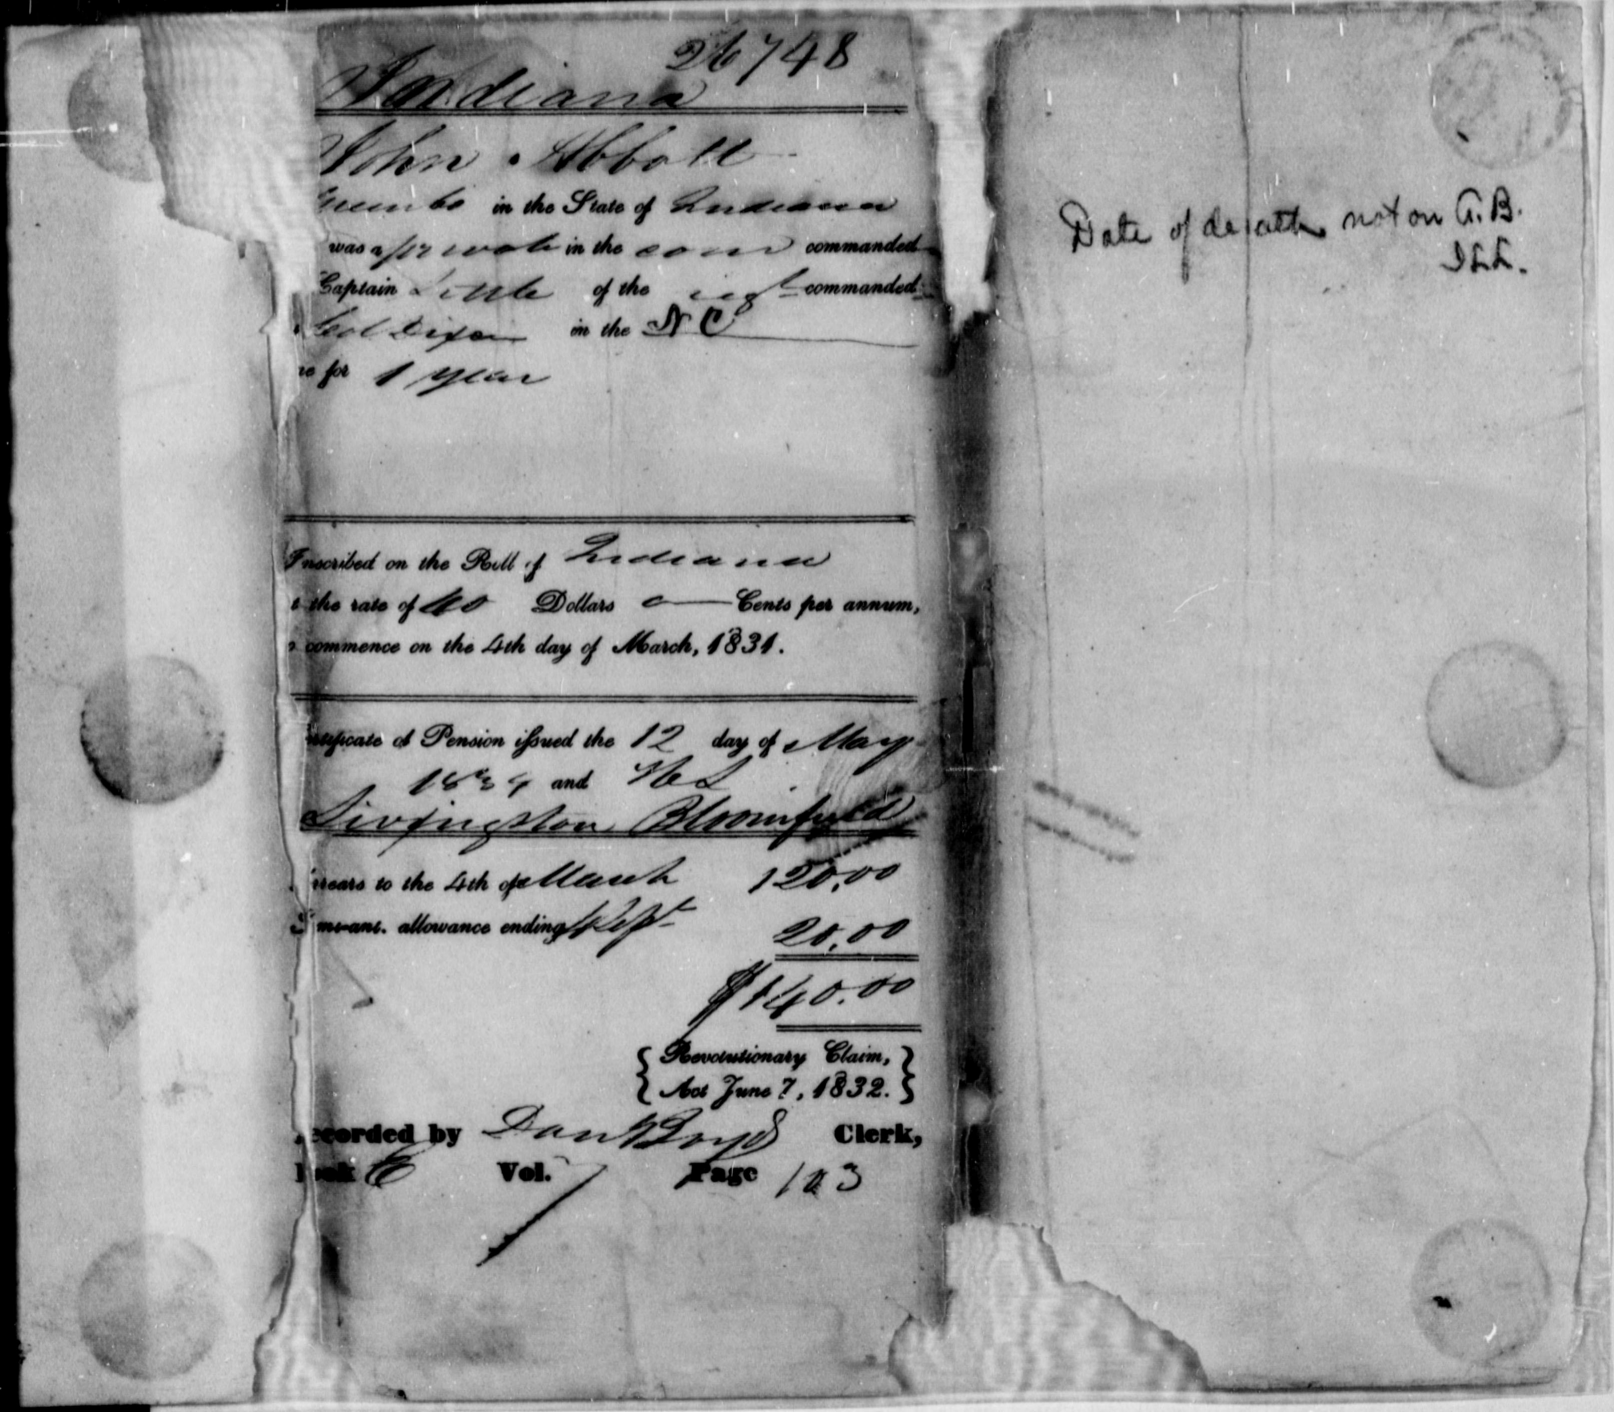[26/48?] 
Indiana
John Abbott
[illegible] in the State of Indiana
was a private in the com commanded
Captain Little of the regt commanded
Col Dixon in the N C
for 1 year

Transcribed on the Roll of Indiana
the rate of 40 Dollars ----- Cents per annum 
commence on the 4th day of March, 1834.

Certificate of Pension issued the 12 day of May
1834 and [illegible]
Livingston Bloomfield 
[illegible] to the 4th of March        120.00
[illegible] allowance ending Sept     20.00
                                                        $140.00
           {Revolutionary Claim Act June 7, 1832.}
Recorded by Danl Boyd   Clerk, 
[illegible] E  Vol. [illegible] Page 103

[on other side of page:]   
 Date of death not on G.B. [Ill?]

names: John Abbott, Little, Dixon, Danl Boyd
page: 2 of 35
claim: survivor's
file: S. 32089, John Abbott, Continental N. C.